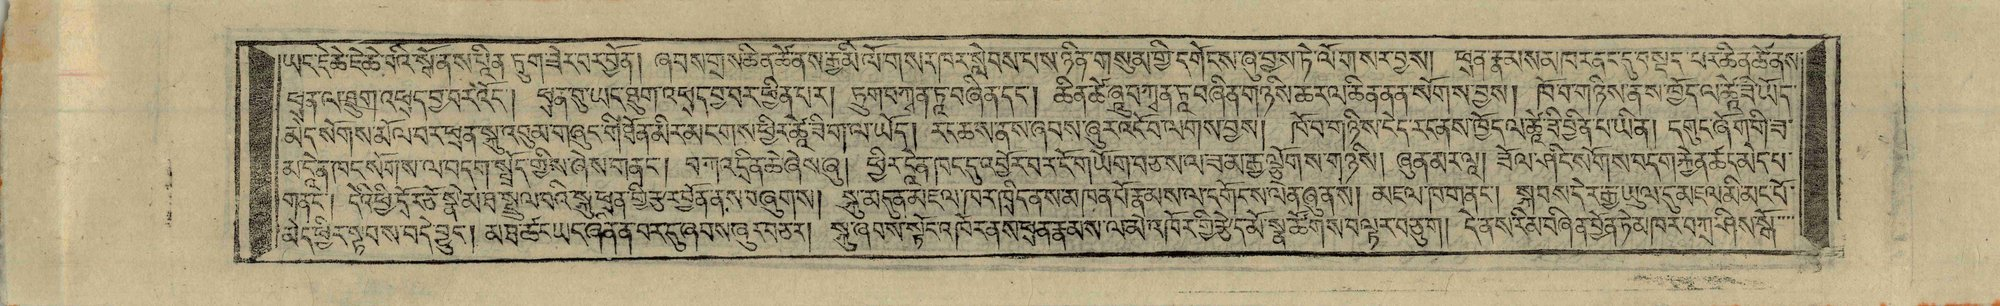ཡང་ཇེ་ཆེ་ཇེ་ཆེ་བའི་སྒོ་ནས་པའི་ན་ཏྲུག་ཟེར་བར་བྱོན། ཞབས་གྲས་ཆིན་ཚེ་ནས་རྒྱ་མི་ལོ་གསར་ཁར་སླེབས་པས་ཉིན་གསུམ་གྱི་དགོངས་ཞུ་བྱས་ཏེ་ལོག་སར་བྱས། ཕྲན་རྣམས་མཁར་ནང་དུ་བསྡད་པར་ཆིན་ཚེ་ནས་
ཕྲན་ལ་ཐུག་འཕྲད་བྱ་བར་འོང་། ཕྲན་བུ་ཡང་ཐུག་འཕྲད་བྱ་བར་ཕྱིན་པར། ཏྲུག་བཀྭན་ཏཱ་བཞིན་དང་། ཆིན་ཚེ་ཞཱུ་བཀྭན་ཏཱ་བཞིན་གཉིས་ཆར་ལ་ཆིན་ནན་སོགས་བྱས། ཁོ་བ་གཉིས་ནས་ཁྱོད་ལ་ཚE་ཟི་ཡོད་
མེད་སོགས་མོལ་བར་ཕྲན་སྐུ་འབུམ་གཞུང་གི་ཐོན་མིར་མངགས་ཕྱིར་ཚE་ཟི་ག་ལ་ཡོད། རང་ཆས་ནས་ཞབས་ཞུར་འོང་བ་ལགས་བྱས། ཁོ་བ་གཉིས་ངེད་རང་ནས་ཁྱོད་ལ་ཚE་ཟི་བྱིན་པ་ཡིན། དགུང་ཞོག་གི་ཟ་
མ་དEན་ཁང་སོགས་ལ་བདག་སྤྲོད་གྱིས་ཞེས་གནང་། བཀའ་དྲིན་ཆེ་ཞེས་ཞུ། ཕྱིར་དEན་ཁང་དུ་འབྱོར་བར་ངོ་གཡོག་བཅས་ལ་ཟ་མ་རྒྱ་ལྕོགས་གཉིས། ཞུན་མར་ལཱ། ཟོལ་ཤིང་སོགས་བདག་རྐྱེན་ཚད་མེད་པ་
གནང་། དེའི་ཕྱི་དྲོར་ཅོ་སྣེ་མ་ཐ་སྤྲུལ་བའི་སྐུ་ཕྲན་གྱི་རྩར་བྱོན་ནས་བཞུགས། སྐུ་མདུན་མཇལ་ཁར་ཁྲིད་ནས་མཁན་པོ་རྣམས་ལ་དགོངས་ལེན་ཞུ་ནས། མཇལ་ཁ་གནང་། སྐབས་དེར་རྒྱ་ཡུལ་དུ་མཇལ་མི་མང་པོ་
མེད་ཕྱིར་སྟབས་བདེ་བྱུང་། མ་ཐ་ཚང་ཡང་ཞི་ནན་བར་དུ་ཞབས་ཞུར་བཅར། སྐུ་ཞབས་སྟོང་འཁོར་ནས་ཕྲན་རྣམས་ལ་མེ་འཁོར་གྱི་རྩེད་མོ་སྣ་ཚོགས་བལྟར་བཅུག །དེ་ནས་རིམ་བཞིན་བྱོན་ཏེ་མཁར་བཀྲ་ཤིས་སྒོ་